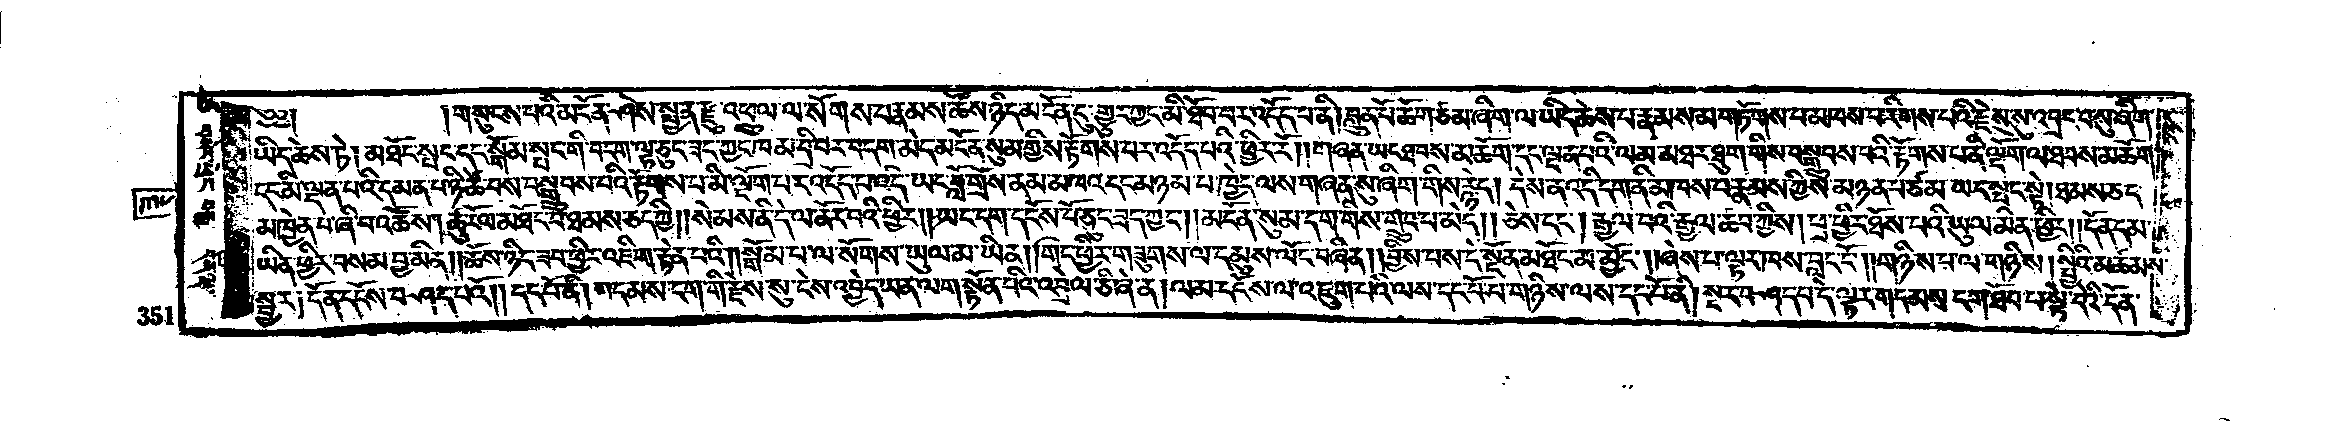༄༅། །གསུངས་པའི་མངོན་ཤེས་སྤྱན་རྫུ་འཕྲུལ་ལ་སོགས་པ་རྣམས་ཆོས་ཉིད་མངོན་དུ་གྱུར་ཀྱང་མི་ཐོབ་པར་འདོད་པ་ནི། བླུན་པོ་ཆོག་ཙམ་ཞིག་ལ་ཡིད་ཆེས་པ་རྣམས་མ་གཏོགས་པ་མཁས་པ་རིགས་པའི་རྗེས་སུ་འབྲང་བ་སུ་ཞིག་
ཡིད་ཆེས་ཏེ། མཐོང་སྤང་དང་སྒོམ་སྤང་གི་བདག་ལྟ་ཅུང་ཟད་ཀྱང་ཁམ་བྲི་བར་བདག་མེད་མངོན་སུམ་གྱིས་རྟོགས་པར་འདོད་པའི་ཕྱིར་རོ། །གཞན་ཡང་ཐབས་མཆོག་དང་ལྡན་པའི་ལམ་མཐར་ཐུག་གིས་བསྒྲུབས་པའི་རྟོགས་པ་ནི་ལྡོག་ལ་ཐབས་མཆོག་
དང་མི་ལྡན་པའི་དམན་པ་ཉི་ཚེ་བས་བསྒྲུབས་པའི་རྟོགས་པ་མི་ལྡོག་པར་འདོད་པ་འདི་ཡང་བློ་གྲོས་ནམ་མཁའ་དང་མཉམ་པ་ཁྱེད་ལས་གཞན་སུ་ཞིག་གིས་རྙེད། དེས་ན་འདི་དག་ནི་མཁས་པ་རྣམས་ཀྱིས་མཉན་པ་ཙམ་ཡང་སྤང་སྟེ། ཐམས་ཅད་
མཁྱེན་པ་ཞི་བ་འཚོས། ཚུ་རོལ་མཐོང་བ་ཐམས་ཅད་ཀྱི། །སེམས་ནི་དེ་ལ་ནོར་བའི་ཕྱིར། །ཡང་དག་དངོས་པོ་ཅུང་ཟད་ཀྱང་། །མངོན་སུམ་དག་གིས་གྲུབ་པ་མེད། །ཅེས་དང་། རྒྱལ་བའི་རྒྱལ་ཚབ་ཀྱིས། ཕྲ་ཕྱིར་ཐོས་པའི་ཡུལ་མིན་ཕྱིར། །དོན་དམ་
ཡིན་ཕྱིར་བསམ་བྱ་མིན། །ཆོས་ཉིད་ཟབ་ཕྱིར་འཇིག་རྟེན་པའི། །སྒོམ་པ་ལ་སོགས་ཡུལ་མ་ཡིན། །གང་ཕྱིར་གཟུགས་ལ་དམུས་ལོང་བཞིན། །བྱིས་པས་དེ་སྔོན་མཐོང་མ་མྱོང་། །ཞེས་པ་ལྟར་ཁས་བླང་ངོ། །གཉིས་པ་ལ་གཉིས། སྤྱིའི་མཚམས་
སྦྱར། དོན་དངོས་བཤད་པའོ། །དང་པོ་ནི། གདམས་ངག་གི་རྗེས་སུ་ངེས་འབྱེད་ཡན་ལག་སྟོན་པའི་འབྲེལ་ཅི་ཞེ་ན། ལམ་དངོས་ལ་འཇུག་པའི་ལས་དང་པོ་པ་གཉིས་ལས་དང་པོ་ནི། སྔར་བཤད་པ་དེ་ལྟར་གདམས་ངག་ཐོབ་པ་སྟེ་དེའི་དོན་